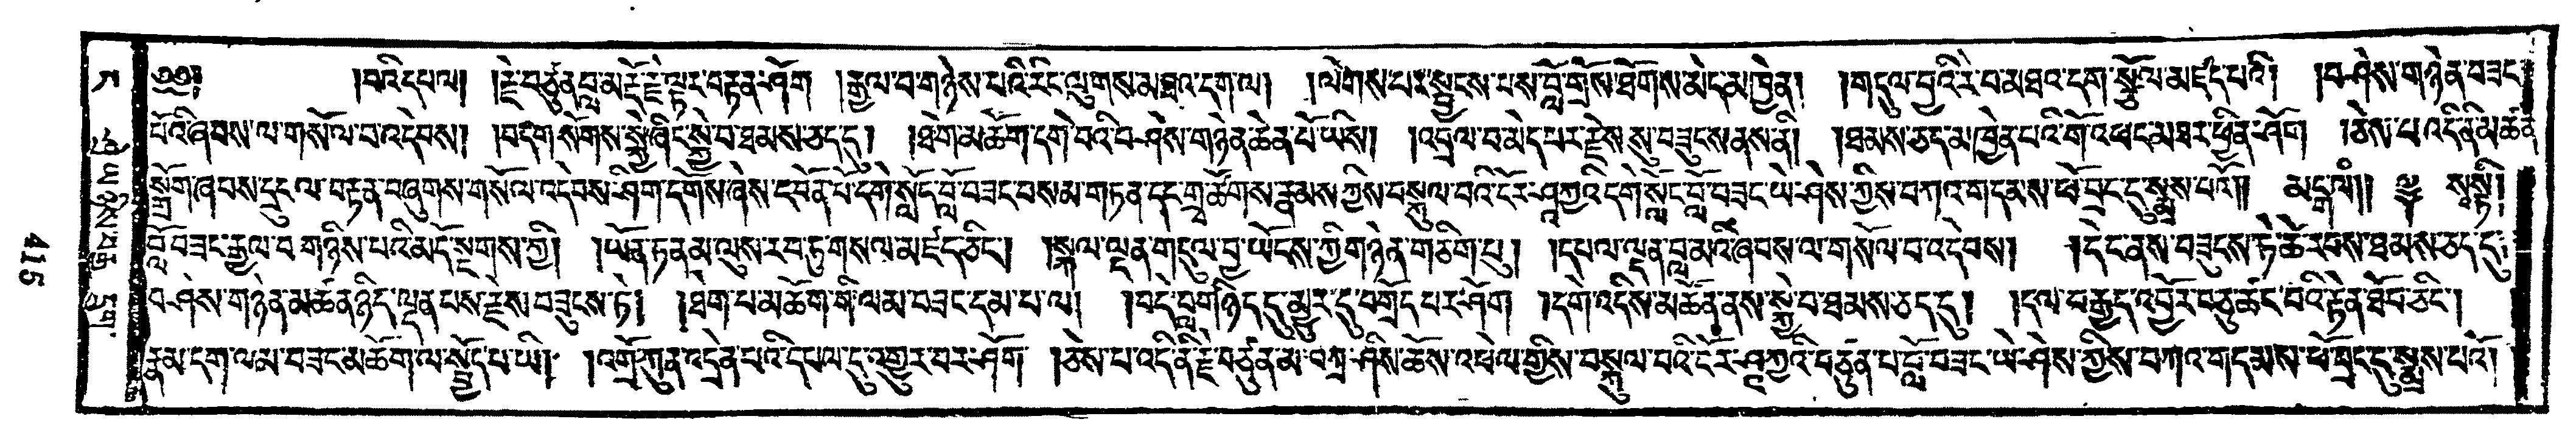༄༅། །བའི་དཔལ། །རྗེ་བཙུན་བླ་མ་རྡོ་རྗེ་ལྟར་བརྟན་ཤོག །རྒྱལ་བ་གཉེས་པའི་རིང་ལུགས་མཐའ་དག་ལ། །ལེགས་པར་སྦྱངས་པས་བློ་གྲོས་ཐོགས་མེད་མཁྱེན། །གདུལ་བྱའི་རེ་བ་མཐའ་དག་སྩོལ་མཛད་པའི། །བཤེས་གཉེན་བཟང་
པོའི་ཞབས་ལ་གསོལ་བ་འདེབས། །བདག་སོགས་སྐྱེ་ཞིང་སྐྱེ་བ་ཐམས་ཅད་དུ། །ཐེག་མཆོག་དགེ་བའི་བཤེས་གཉེན་ཆེན་པོ་ཡིས། །འབྲལ་བ་མེད་པར་རྗེས་སུ་བཟུངས་ནས་ནི། །ཐམས་ཅད་མཁྱེན་པའི་གོ་འཕང་མཐར་ཕྱིན་ཤོག །ཅེས་པ་འདི་ནི་མཚན་
སྒྲོག་ཞབས་དྲུང་ལ་བརྟན་བཞུགས་གསོལ་འདེབས་ཤིག་དགོས་ཞེས་དཔོན་པོ་དགེ་སློང་བློ་བཟང་བསམ་གཏན་དང་གྲྭ་ཚོགས་རྣམ་ཀྱིས་བསྐུལ་བའི་ངོར་ཤཱཀྱའི་དགེ་སློང་བློ་བཟང་ཡེ་ཤེས་ཀྱིས་བཀའ་གདམས་ཕོ་བྲང་དུ་སྨྲས་པའོ།། མངྒ་ལཾ།། ༈ སྭསྟི།
བློ་བཟང་རྒྱལ་བ་གཉིས་པའི་མདོ་སྔགས་ཀྱི། །ཡོན་ཏན་མ་ལུས་རབ་ཏུ་གསལ་མཛད་ཅིང་། །སྐལ་ལྡན་གདུལ་བྱ་ཡོངས་ཀྱི་གཉེན་གཅིག་པུ། །དཔལ་ལྡན་བླ་མའི་ཞབས་ལ་གསོལ་བ་འདེབས། །དེང་ནས་བཟུངས་ཏེ་ཚེ་རབས་ཐམས་ཅད་དུ།
བཤེས་གཉེན་མཚན་ཉིད་ལྡན་པས་རྗེས་བཟུངས་ཏེ། །ཐེག་པ་མཆོག་གི་ལམ་བཟང་དམ་པ་ལ། །བདེ་བླ་གཉིད་དུ་མྱུར་དུ་བགྲོད་པར་ཤོག །དགེ་འདིས་མཚོན་ནས་སྐྱེ་བ་ཐམས་ཅད་དུ། །དལ་བརྒྱད་འབྱོར་བཅུ་ཚང་བའི་རྟེན་ཐོབ་ཅིང་།
རྣམ་དག་ལམ་བཟང་མཆོག་ལ་སྤྱོད་པ་ཡི། །འགྲོ་ཀུན་འདྲེན་པའི་དཔལ་དུ་འགྱུར་བར་ཤོག །ཅེས་པ་འདི་ནི་རྗེ་བཙུན་མ་བཀྲ་ཤིས་ཆོས་འཕེལ་གྱིས་བསྐུལ་བའི་ངོར་ཤཱཀྱའི་བཙུན་པ་བློ་བཟང་ཡེ་ཤེས་ཀྱིས་བཀའ་གདམས་ཕོ་བྲང་དུ་སྨྲས་པའོ། །